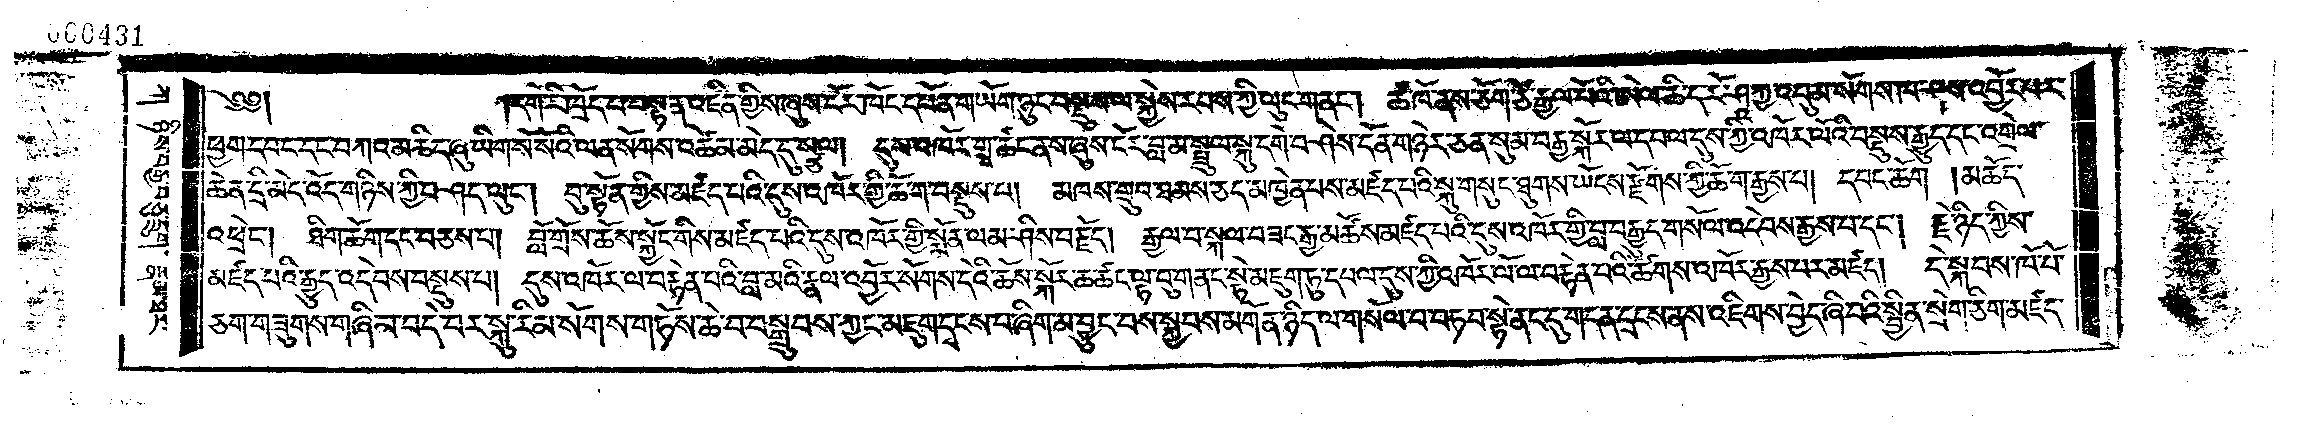༄༅། །དགེ་རི་ཁྲོད་པ་བསྟན་འཛིན་གྱིས་ཞུས་ངོར་ཁོང་དཔོན་གཡོག་ཉུང་བསྡུས་ལ་སྐྱེས་རབས་ཀྱི་ལུང་གནང་། ཚ་ཁོ་ནས་ཅོག་ཙེ་རྒྱལ་པོའི་ཨེལ་ཆི་ད་རོ་ཤཱཀྱ་འབུམ་སོགས་ཁ་ཤས་འབྱོར་པར་
ཕྱག་དབང་དང་བཀའ་མཆིད་ཞུ་ཡིག་སོ་སོའི་ལན་སོགས་འཚེམ་མེད་དུ་སྩལ། དུས་འཁོར་གྲྭ་ཚང་ནས་ཞུས་ངོར་བླ་མ་སྤྲུལ་སྐུ་དགེ་བཤེས་དོན་གཉེར་ཅན་སུམ་བརྒྱ་སྐོར་ལ་དབལ་དུས་ཀྱི་འཁོར་ལོའི་བསྡུས་རྒྱུད་དང་འགྲེལ་
ཆེན་དྲི་མེད་འོད་གཉིས་ཀྱི་བཤད་ལུང་། བུ་སྟོན་གྱིས་མཛད་པའི་དུས་འཁོར་གྱི་ཆོ་ག་བསྡུས་པ། མཁས་གྲུབ་ཐམས་ཅད་མཁྱེན་པས་མཛད་པའི་སྐུ་གསུང་ཐུགས་ཡོངས་རྫོགས་ཀྱི་ཆོ་ག་རྒྱས་པ། དབང་ཆོག །མཆོད་
འཕྲེང་། ཐིག་ཆོག་དང་བཅས་པ། བློ་གྲོས་ཆོས་སྐྱོང་གིས་མཛད་པའི་དུས་འཁོར་གྱི་སྨོན་ལམ་ཤིས་བརྗོད། རྒྱལ་བ་སྐལ་བཟང་རྒྱ་མཚོས་མཛད་པའི་དུས་འཁོར་གྱི་བླ་བརྒྱུད་གསོལ་འདེབས་རྒྱས་པ་དང་། རྗེ་ཉིད་ཀྱིས་
མཛད་པའི་རྒྱུད་འདེབས་བསྡུས་པ། དུས་འཁོར་ལ་བརྟེན་པའི་བླ་མའི་རྣལ་འབྱོར་སོགས་དེའི་ཆོས་སྐོར་ཆ་ཚང་ལྟ་བུ་གནང་སྟེ་མཇུག་ཏུ་དཔལ་དུས་ཀྱི་འཁོར་ལོ་ལ་བརྟེན་པའི་ཚོགས་འཁོར་རྒྱས་པར་མཛད། དེ་སྐབས་ཁོ་པོ་
ཅག་གཟུགས་གཞི་མ་བདེ་བར་སྐུ་རིམ་སོགས་གཏོས་ཆེ་བ་བསྒྲུབས་ཀྱང་མཇུག་དྲངས་པ་ཞིག་མ་བྱུང་བས་སྐྱབས་མགོན་ཉིད་ལ་གསོལ་བ་བཏབ་སྟེ་ནང་དུ་གདན་དྲངས་ནས་འཇིགས་བྱེད་ཞི་བའི་སྦྱིན་སྲེག་ཅིག་མཛད་